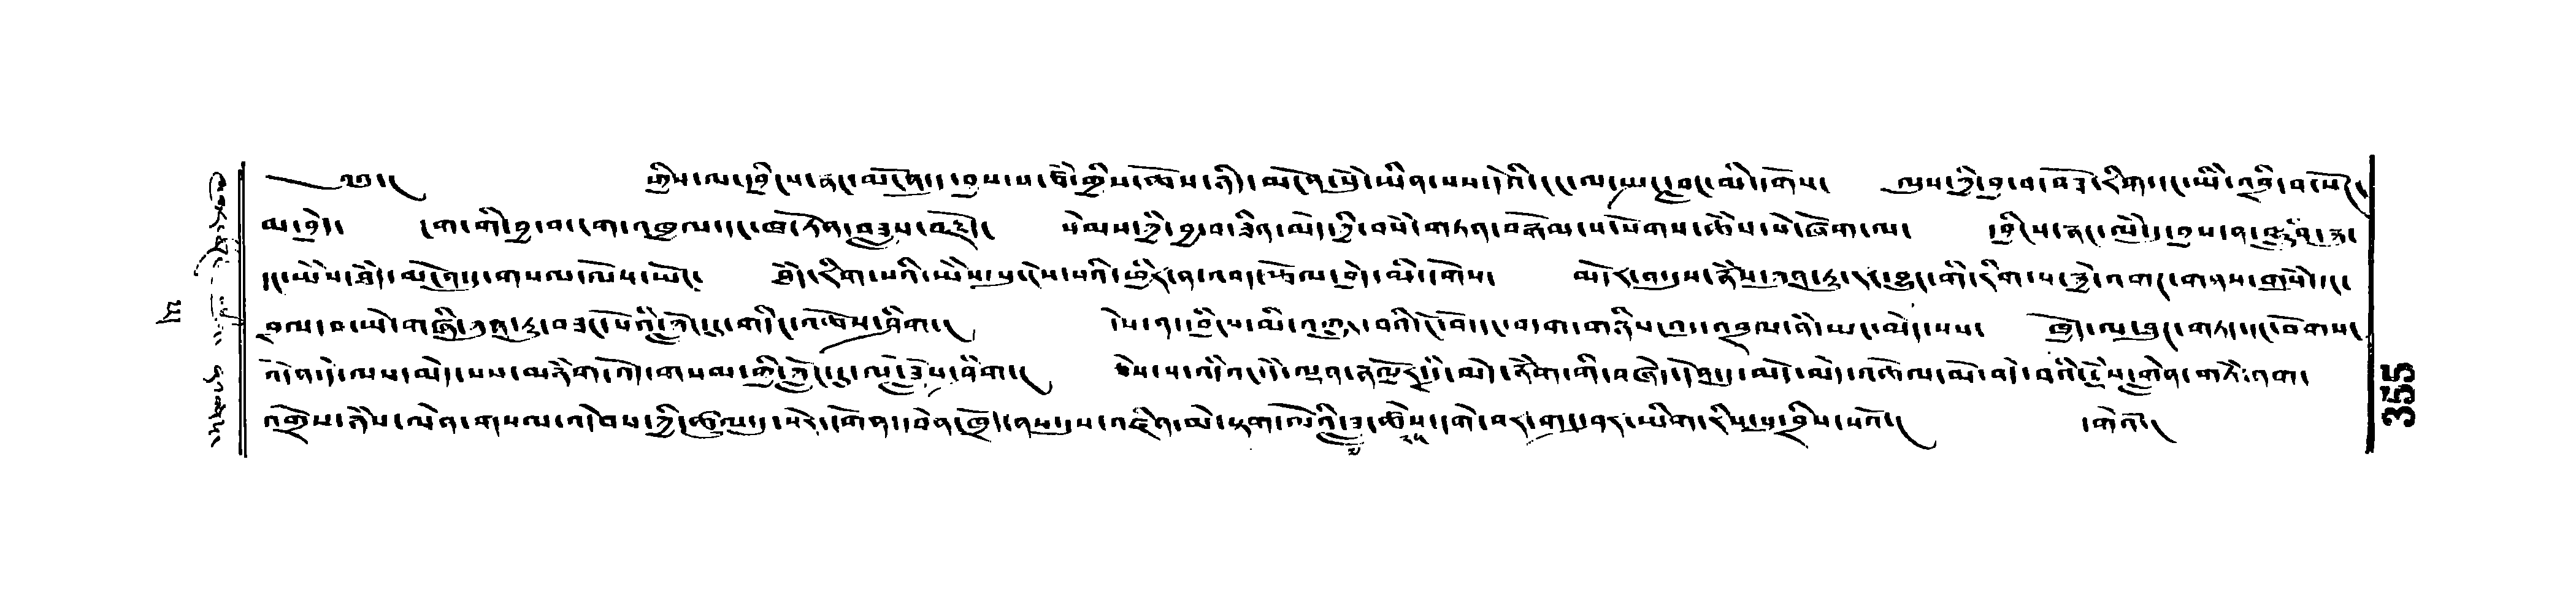གྱིས་ལ་དབྱིངས་སྣང་མངོན་དུ་བྱས་པ་ཙམ་གྱིས་ཆོས་ཉིད་མངོན་སུམ་ཡིན་པས་དེའི་ངང་ལ་སྤང་བླང་མི་དགོས། ལུས་ཀྱི་བྱ་བ་བཟོ་རིག་དང་ཡི་གེ་འབྲི་བ་སོགས་
མ་བྱེད། ངག་གི་བྱ་བ་ངག་འཁྱལ་དང་ཁ་ཏོན་བཟླས་བརྗོད། སེམས་ཀྱི་བྱ་བ་ཟིན་མེད་ཀྱི་བསམ་གཏན་བསྒོམ་པ་སོགས་ཆམས་སོ་ཞོག་ལ། དབྱིངས་སྣང་ལམ་དུ་བྱས་ན་ལྷུན་གྲུབ་སྐུ་
དང་ཡེ་ཤེས་ཐམས་ཅད་མངོན་དུ་གསལ་ལོས་ཡོང་། ཐམས་ཅད་རིག་པའི་ཡེ་ཤེས་སུ་ངེས་པའི་ཕྱིར་ན་འབད་རྩོལ་བྱེད་མི་དགོས། མདོར་ན་དུས་རྣམས་ཀུན་ཏུ་རང་བྱུང་གི་རིག་པ་སྐྱེ་འགགས་གནས་གསུམ་དང་
བྲལ་བ་ཡེ་གཞི་ཀུན་ཏུ་བཟང་པོའི་ཀློང་དུ་གདིང་འཆོས་ཤིག དེས་ན་དབྱིངས་མི་འགྱུར་བའི་ངོ་བོ་དང་བདག་གཉིས་འདུ་འབྲལ་ནམ་ཡང་མེད་པས། ཁྱོད་ལ་ཐུགས་གཏད་དང་བོགས་
འདོན་དེ་ལས་མེད་པས་མཉམ་བཞག་འོད་གསལ་གྱི་ཀློང་དུ་ལ་ཟློས་ཤིག ཅེས་པ་འདིའང་དམ་ལྡན་རྣལ་འབྱོར་དྲི་མེད་རྣམ་དག་གི་བཞེད་དོན་དུ་མདོ་མེད་འཆོལ་མོ་བདེ་བའི་རྡོ་རྗེས་གླེན་གཏམ་ནག་
འགྲོས་ཉམས་ལེན་གསལ་འདེབས་ཀྱི་ཚུལ་དུ་སེར་དགོན་དབེན་ཁྲོད་ནས་དུས་འཛིན་མེ་སྟག་ལོའི་ཟླ་༧ཚེས་༢༥དགེ་བར་གང་ཤར་ཡིག་རིས་སུ་བྲིས་པའོ།། དགེའོ།།